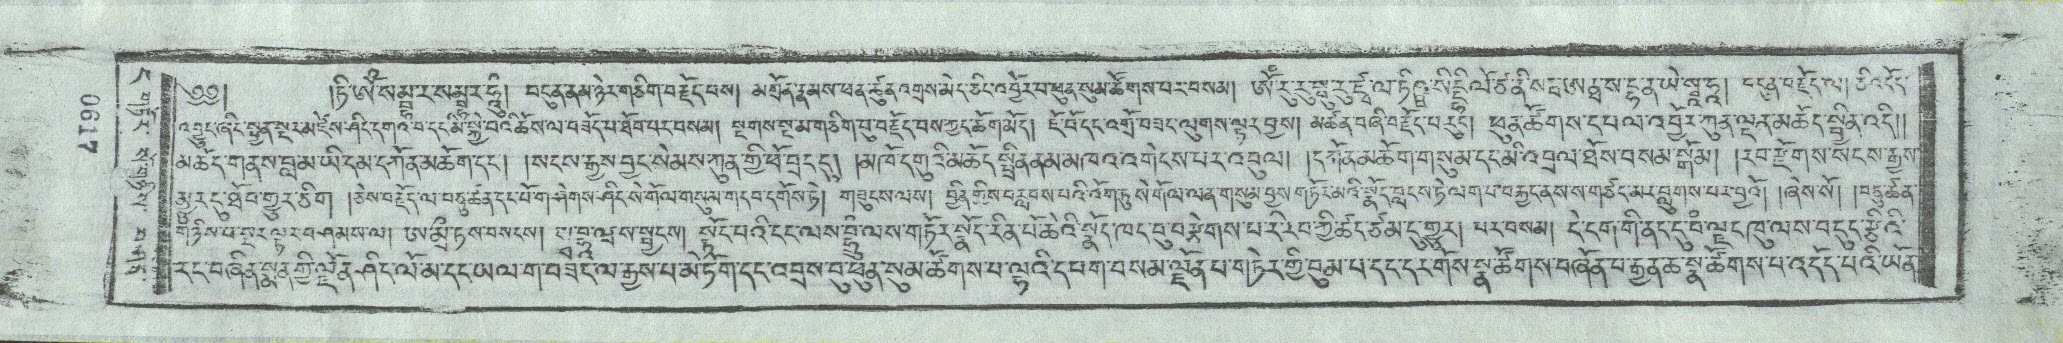༄༅། །ཏི་ཨོཾ་སྨྦྷ་ར་སམྦྷ་ར་ཧཱུཾ། བདུན་ནམ་ཉེར་གཅིག་བརྗོད་པས། མགྲོན་རྣམས་ཕན་ཚུན་འགྲས་མེད་ཅིང་འབྱོར་པ་ཕུན་སུམ་ཚོགས་པར་བསམ། ཨོཾ་རུ་རུ་སྤུ་རུ་ཛྭ་ལ་ཏི་ཥྠ་སིདྡྷི་ལོ་ཙ་ནི་སརྦ་ཨརྠ་ས་དྷ་ན་ཡེ་སྭཱ་ཧཱ། བདུན་བརྗོད་ལ། ཅི་འདོད་
འབྱུང་ཞིང་སྤྱན་སྔར་མཛེས་ཤིང་དགའ་བ་དང་མི་སྐྱེ་བའི་ཆོས་ལ་བཟོད་པ་ཐོབ་པར་བསམ། སྔགས་སྔ་མ་གཅིག་པུ་བརྗོད་པས་ཀྱང་ཆོག་མོད། ཇོ་བོ་དང་འགྲོ་བཟང་ལུགས་ལྟར་བྱས། མཚན་བཞི་བརྗོད་པ་རུང་། ཕུན་ཚོགས་དཔལ་འབྱོར་ཀུན་ལྡན་མཆོད་སྦྱིན་འདི།།
མཆོད་གནས་བླ་མ་ཡི་དམ་དཀོན་མཆོག་དང་། །སངས་རྒྱས་བྱང་སེམས་ཀུན་གྱི་ཕོ་བྲང་དུ། །མཁོ་དགུའི་མཆོད་སྤྲིན་ནམ་མཁའ་འགེངས་པར་འབུལ། །དཀོན་མཆོག་གསུམ་དང་མི་འབྲལ་ཐོས་བསམ་སྒོམ། །རབ་རྫོགས་སངས་རྒྱས་
མྱུར་དུ་ཐོབ་གྱུར་ཅིག། །ཅེས་བརྗོད་ལ་བཅུ་ཚན་དང་པོ་གཤེགས་ཤིང་སེ་གོལ་གསུམ་གདབ་དགོས་ཏེ། གཟུངས་ལས། བྱིན་གྱིས་བརླབས་པའི་འོག་ཏུ་སེ་གོལ་ལན་གསུམ་བྱས་གཏོར་མའི་སྣོད་བླངས་ཏེ་ལག་པ་བརྐྱང་ནས་ས་གཙང་མར་བླུགས་པར་བྱའོ། །ཞེས་སོ། །བཅུ་ཚན་
གཉིས་པ་སྔར་ལྟར་བཤམས་ལ། ཨ་མྲྀ་ཏས་བསངས། སྭ་བྷཱ་ཝ་ས་སྦྱངས། སྟོང་པའི་ངང་ལས་བྷཱུཾ་ལས་གཏོར་སྣོད་རིན་པོ་ཆེའི་སྣོད་ཁང་བུ་བརྩེགས་པ་རི་རབ་ཀྱི་ཚང་ཙམ་དུ་གྱུར། པར་བསམ། དེ་དག་གི་ནང་དུ་བཾ་ལྗང་ཁུ་ལས་བདུད་རྩིའི་
རང་བཞིན་སྨན་གྱི་ལྗོན་ཤིང་ལོ་མ་དང་ཡལ་ག་བཟང་ལ་རྒྱས་པ་མེ་ཏོག་དང་འབྲས་བུ་ཕུན་སུམ་ཚོགས་པ་ལྷའི་དཔག་བསམ་ལྗོན་པ་གཏེར་གྱི་བུམ་པ་དང་དར་གོས་སྣ་ཚོགས་བཞོན་པ་རྒྱན་ཆ་སྣ་ཚོགས་པ་འདོད་པའི་ཡོན་